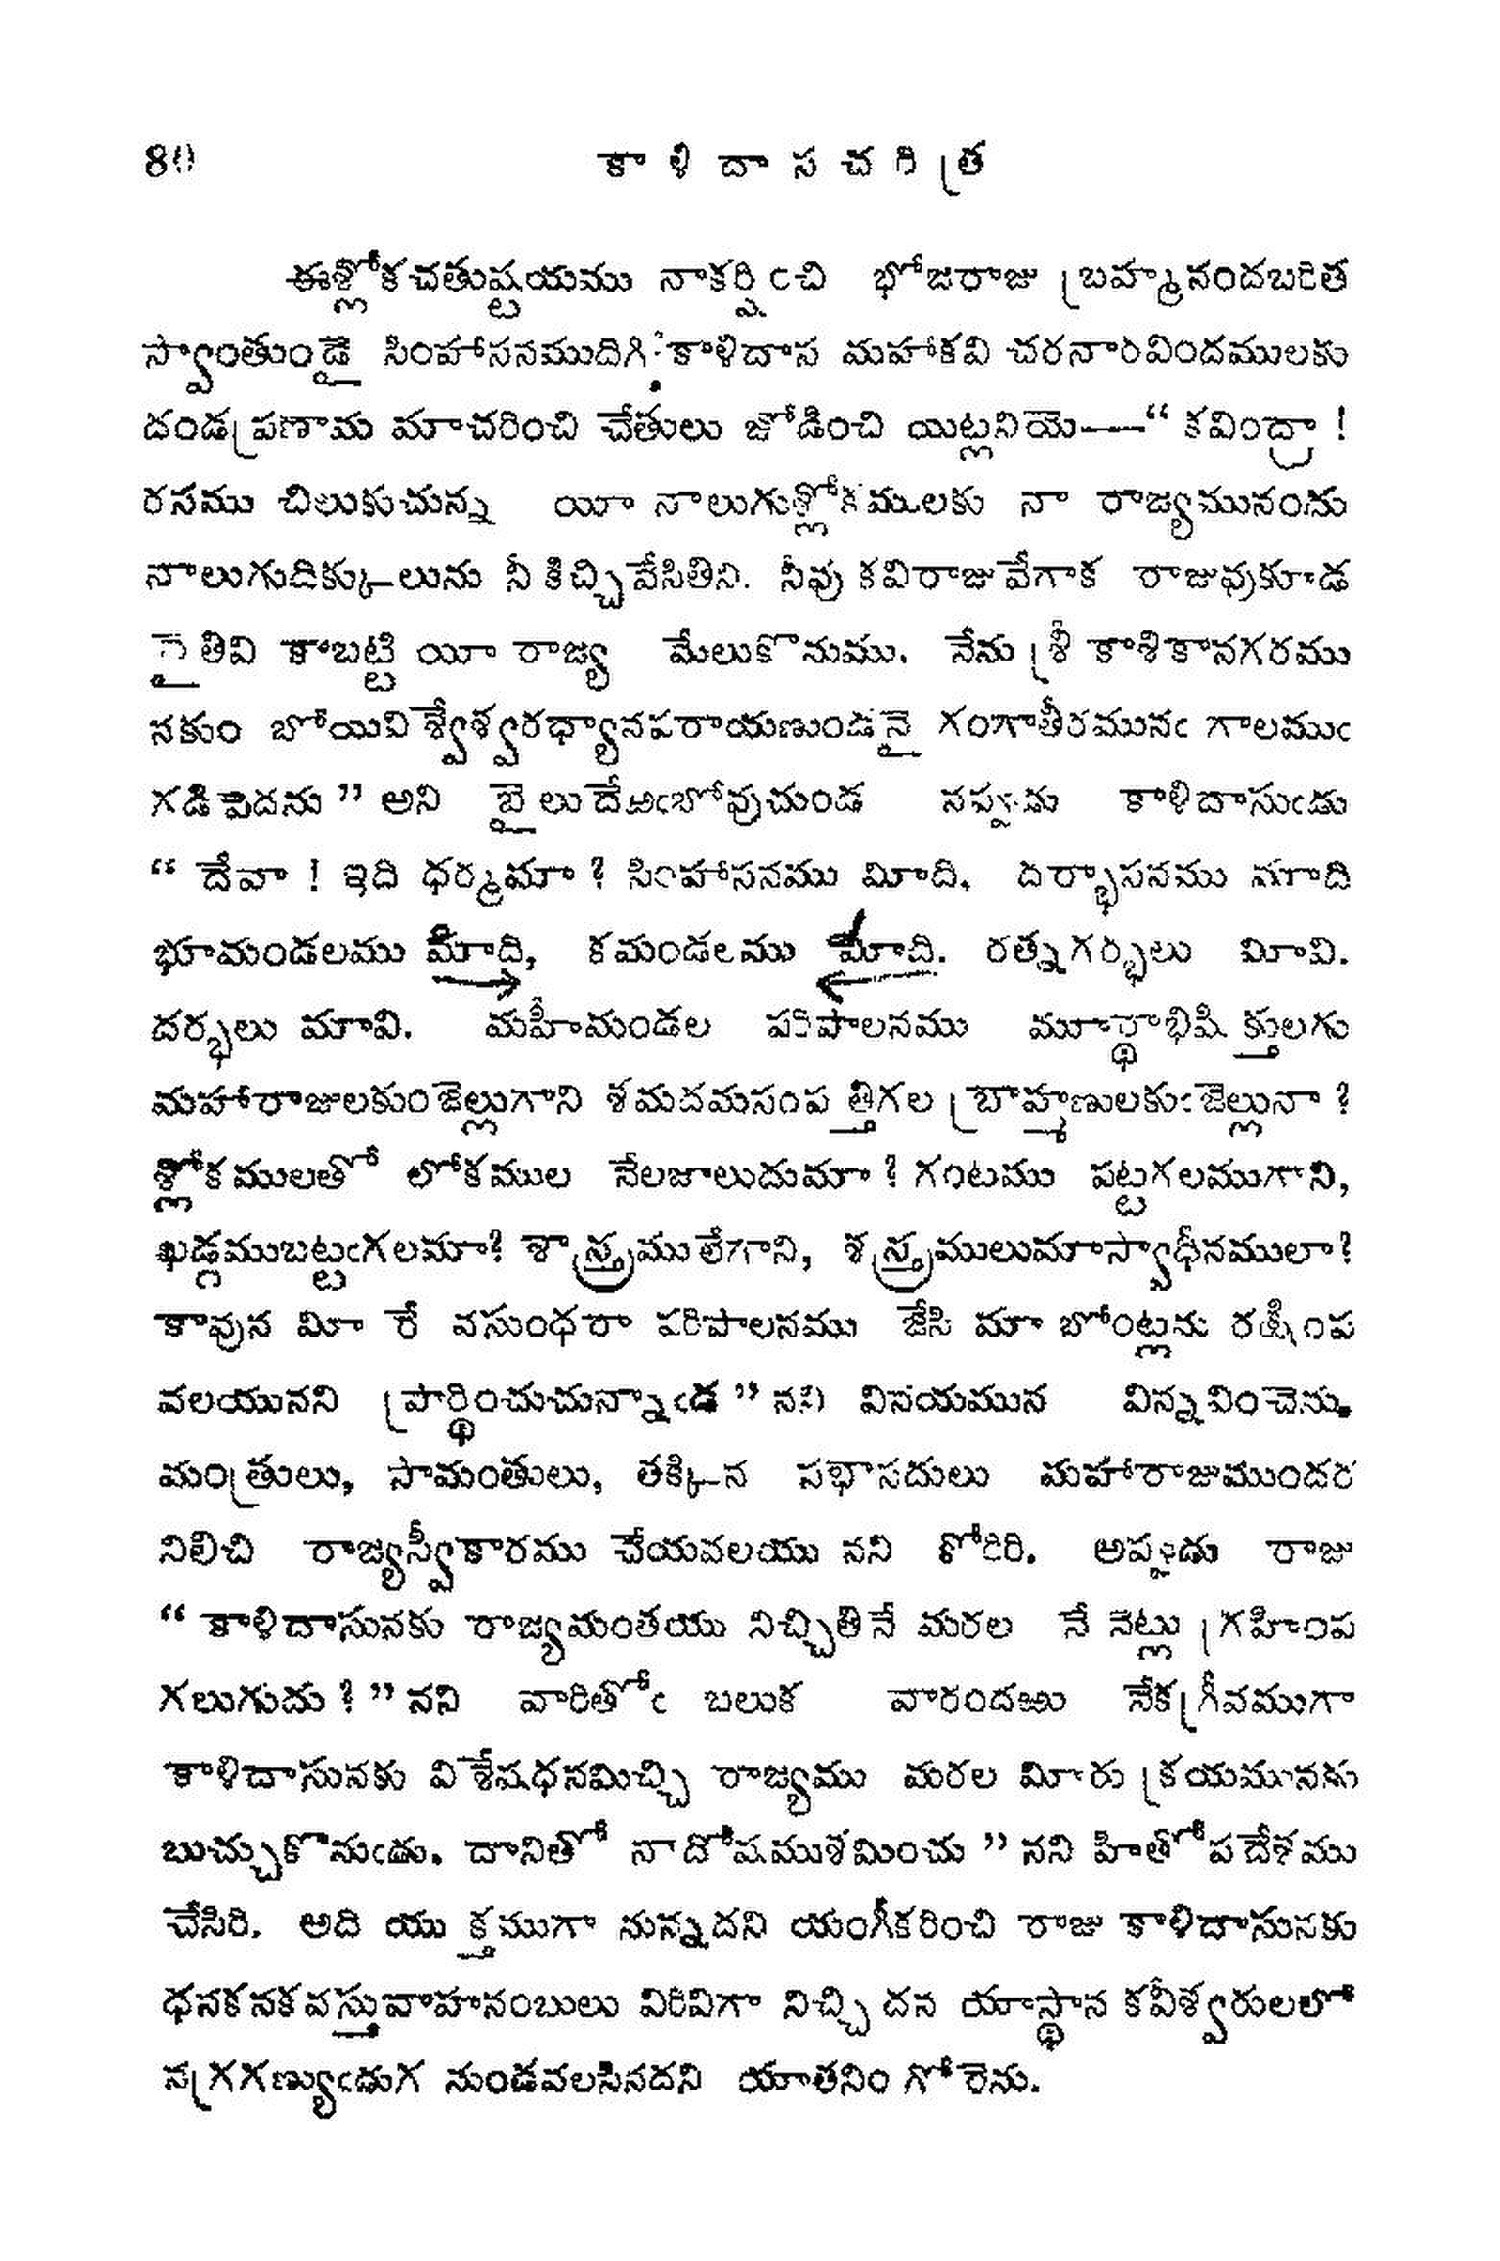ఈశ్లోకచతుష్టయము నాకర్షించి భోజరాజు బ్రహ్మానందబరిత స్వాంతుండై సింహాసనముదిగి కాళిదాసమహాకవి చరనారవిందములకు దండప్రణామ మాచరించి చేతులు జోడించి యిట్లనియె—- “కవీంద్రా! రసము చిలుకుచున్న యీనాలుగుశ్లోకములకు నారాజ్యమునందు నాలిగుదిక్కులును నీకిచ్చివేసితిని. నీవు కవిరాజువేగాక రాజువుకూడ నైతివి కాబట్టి యీరాజ్యమేలుకొనుము. నేను శ్రీకాళికానగరమునకుం బోయి విశ్వేశ్వరధ్యానపరాయణుడనై గంగాతీరమున గాలముగడిపెదను“ అని బైలుదేరబోవుచుండ నప్పుడు కాళిదాసుడు “దేవా! ఇదిధర్మమా? సింహాసనము మీది. దర్భాసనము మాది భూమండలముమీది,కమండలముమాది, రత్నగర్భులుమీరు. దర్భలు మావి. మహీమండల పరిపాలనము మూర్ధాభిషిక్తులగు మహారాజులకుం జెల్లుగాని శమదమసంపత్తిగల బ్రాహ్మణులకుజెల్లునా ! శ్లోకములతో లోకముల నేలజాలుదుమా! గంటము పట్టగలముగాని, ఖడ్గముబట్టగలమా! శాస్త్రములేగాని, శస్త్రములుమాస్వాధీనములా! కావున మీరే వసుంధరా పరిపాలనము జేసి మాబోంట్లను రక్షింపవలయు నని ప్రార్దించుచున్నాడ“ నని వినయమున విన్ంస్వించెను. మంత్రులు, సామంతులు, తక్కిన సభాసదులు మహారాజుముందర నిలిచి రాజ్యస్వీకారము చేయవలయు నని కోరిరి. అప్పుడు రాజు “కాళిదాసునకు నిచ్చితినే మరల నేనెట్లు గ్రహింపగలుగుదు!”ననివారితో బలుక వారందఱు నేకగ్రీవముగా కాళిదాసునకు విశేషధనమిచ్చి రాజ్యము మరల మీరు క్రయమునకు బుచ్చుకొనుడు. దానితో నాదోషముపసమించు”నని హితోపదేశము చేసిరి. అది యుక్తముగా నున్నదని యంగీకరించి రాజు కాళిదాసునకు ధనకనకవస్తువాహనములు విరివిగా నిచ్చి దన యాస్దాన కవీశ్వరులలో నగ్రగణ్యుడుగ నొండవలసిందని యాతనిం గోరెను.